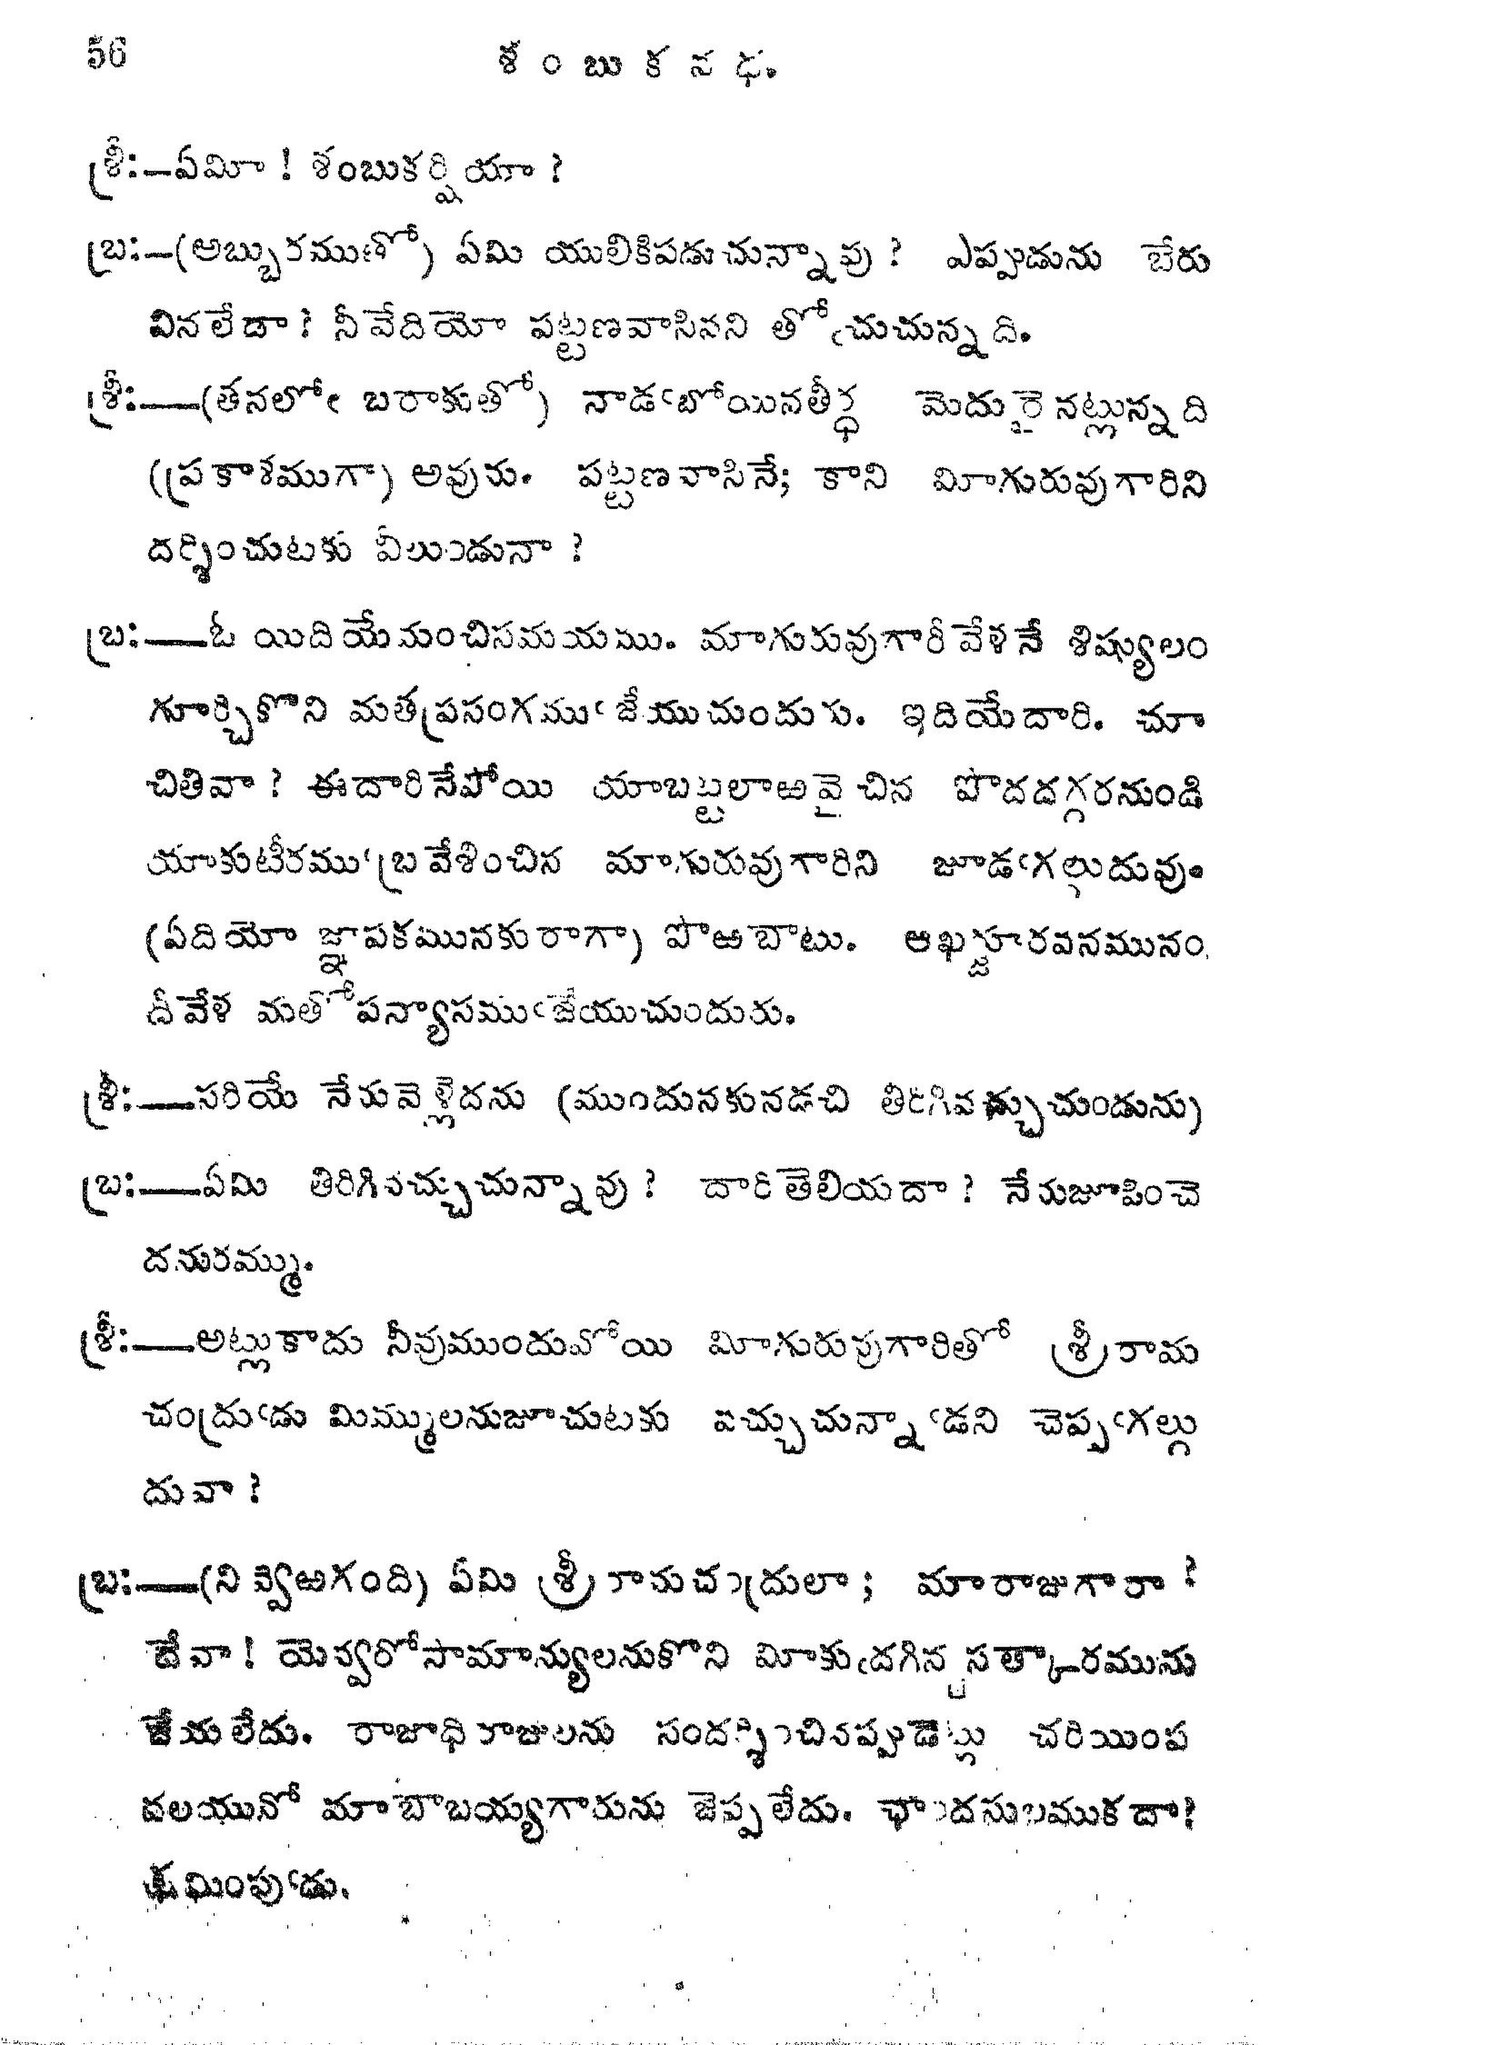శ్రీ:- ఏమి ! శంబుకర్షియా !

బ్ర:- (అబ్బురముతో) ఏమి యులికిపడు చున్నావు : ఎప్పుడును బేరు
 విన లేదా? నీ వేదియో పట్టణవాసివని తోచుచున్న ది.

శ్రీ:- (తనలోఁ బరాకుతో) నాడఁబోయినతీర్థ మెదురై నట్లున్నది
 (ప్రకాశముగా) అవును. పట్టణ వాసినే; కాని మీగురువు గారిని
 దర్శించుటకు వీలుండునా ?

బ్ర:— ఓ యిది యే మంచిసమయము. మాగురువు గారీ వేళనే శిష్యులం
 గూర్చికొని మత ప్రసంగముఁ జేయుచుందురు. ఇదియే దారి. చూ
 చితివా ! ఈ దారి నేపోయి యాబట్టలాఱ వైచిన పొద దగ్గరనుండి
 యాకుటీరము' బ్రవేశించిన మాగురువు గారిని జూడగలుదువు.
 (ఏదియో జ్ఞాపకమునకు రాగా) పొఱ బాటు. ఆఖర్జూరవనమునం,
 దీవేళ మతోపన్యాసముఁ జేయుచుందురు.

శ్రీ: సరియే నేను నెవెళ్ళెదను (ముందునకు నడచి తిరిగి వచ్చు చుండును)

బ్ర: ఏమి తిరిగి వచ్చుచున్నావు ! దారి తెలియదా ! నే మజూపించె
 దనురమ్ము

శ్రీ:- అట్లు కాదు నీవు ముందు వోయి మీగురువు గారితో శ్రీరామ
 చంద్రుడు మిమ్ములను జూచుటకు వచ్చుచున్నాడని చెప్పఁగల్గు
 దువా?

బ్ర:- (నివ్వెఱగంది) ఏమి శ్రీరామచంద్రులా; మారాజుగారా !
 దేవా ! యెవ్వరో సామాన్యులనుకొని మీకు దగిన సత్కారమును
 జేయ లేదు. రాజాధి రాజులను సందర్శించినప్పుడెట్లు చరియింప
 వలయునో మా బాబయ్య గారును జెప్ప లేదు. చాందసులము కదా!
 క్షమింపుఁడు,